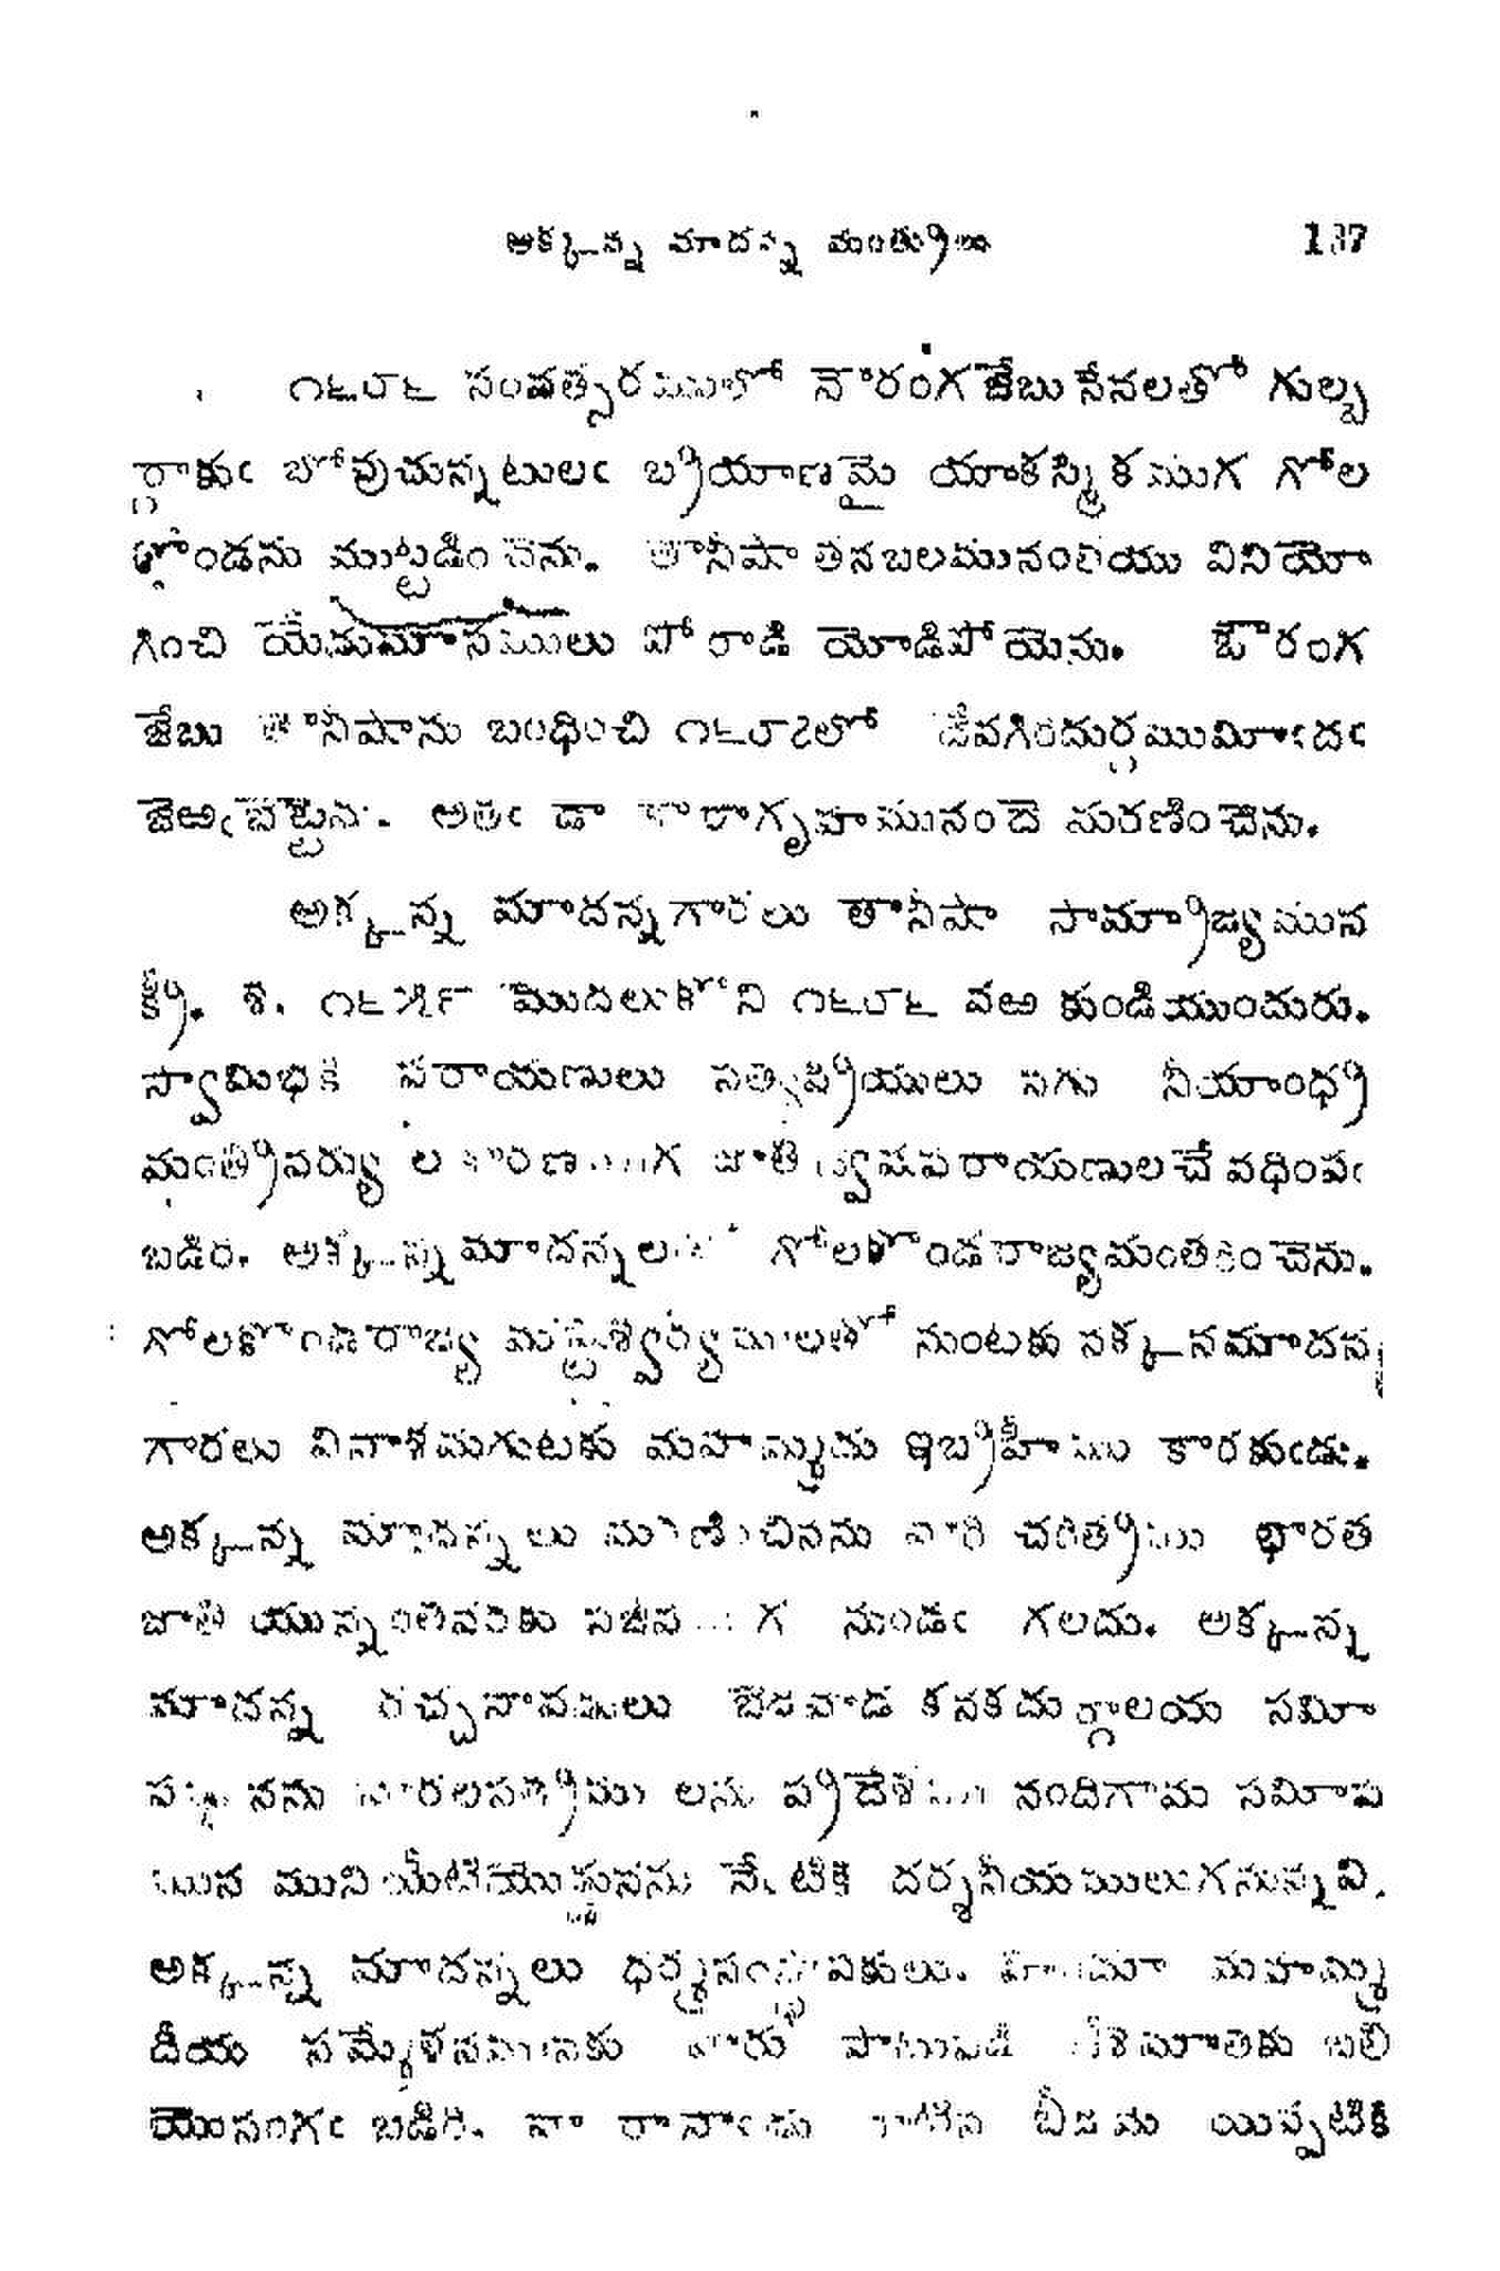1686 సంవత్సరములో నౌరంగజేబు సేనలతో గుల్బర్గాకు బోవుచున్నటుల బ్రయాణమై యాకస్మికముగ గోలకొండను ముట్టడించెను. తానీషా తనబలము నతంయు వినియోగించి యేడుమాసములు పోరాడి యోడిపోయెను. ఔరంగజేబు తానిషాను బంధించి 1687 లో దేవగిరి దుర్గముమీద జెఱబెట్టెను. అతడా కారాగృహమునందె మరణించెను.

అక్కన్న మాదన్నగారలు తానీషా సామ్రాజ్యమున క్రీ.శ. 1659 మొదలుకొని 1686 వఱకుండియుందురు. స్వామిభక్తి పరాయణులు సత్యప్రియులు నగు నీయాంధ్ర మంత్రివర్యు లకారణముగ జాతి ద్వేషపరాయణులచే వధింపబడిరి. అక్కన్నమాదన్నలతో గోలకొండ రాజ్య మంతరించెను. గోలకొండరాజ్య మష్టైశ్వర్యములతో నుంటకు నక్కనమాదన గారలు వినాశమగుటకు మహమ్మదు ఇబ్రహీము కారకుడు. అక్కన్న మాదన్నలు మరణించినను వారి చరిత్రము భారత జాతి యున్నంతవరకు సజీవముగ నుండ గలదు. అక్కన్న మాదన్న రచ్చనావడులు బెజవాడ కనకదుర్గాలయ సమీపమునను వారల సత్రము లను ప్రదేశము నందిగామ సమీపమున ముని యేటియొడ్డునను నేటికి దర్శనీయములుగ నున్నవి. అక్కన్న మాదన్నలు ధర్మసంస్థాపకులు. హిందూ మహమ్మదీయ సమ్మేళనమునకు వారు పాటుపడి దేశమాతకు బలి యొసంగ బడిరి. వారానాడు నాటిన బీజమె యిప్పటికి